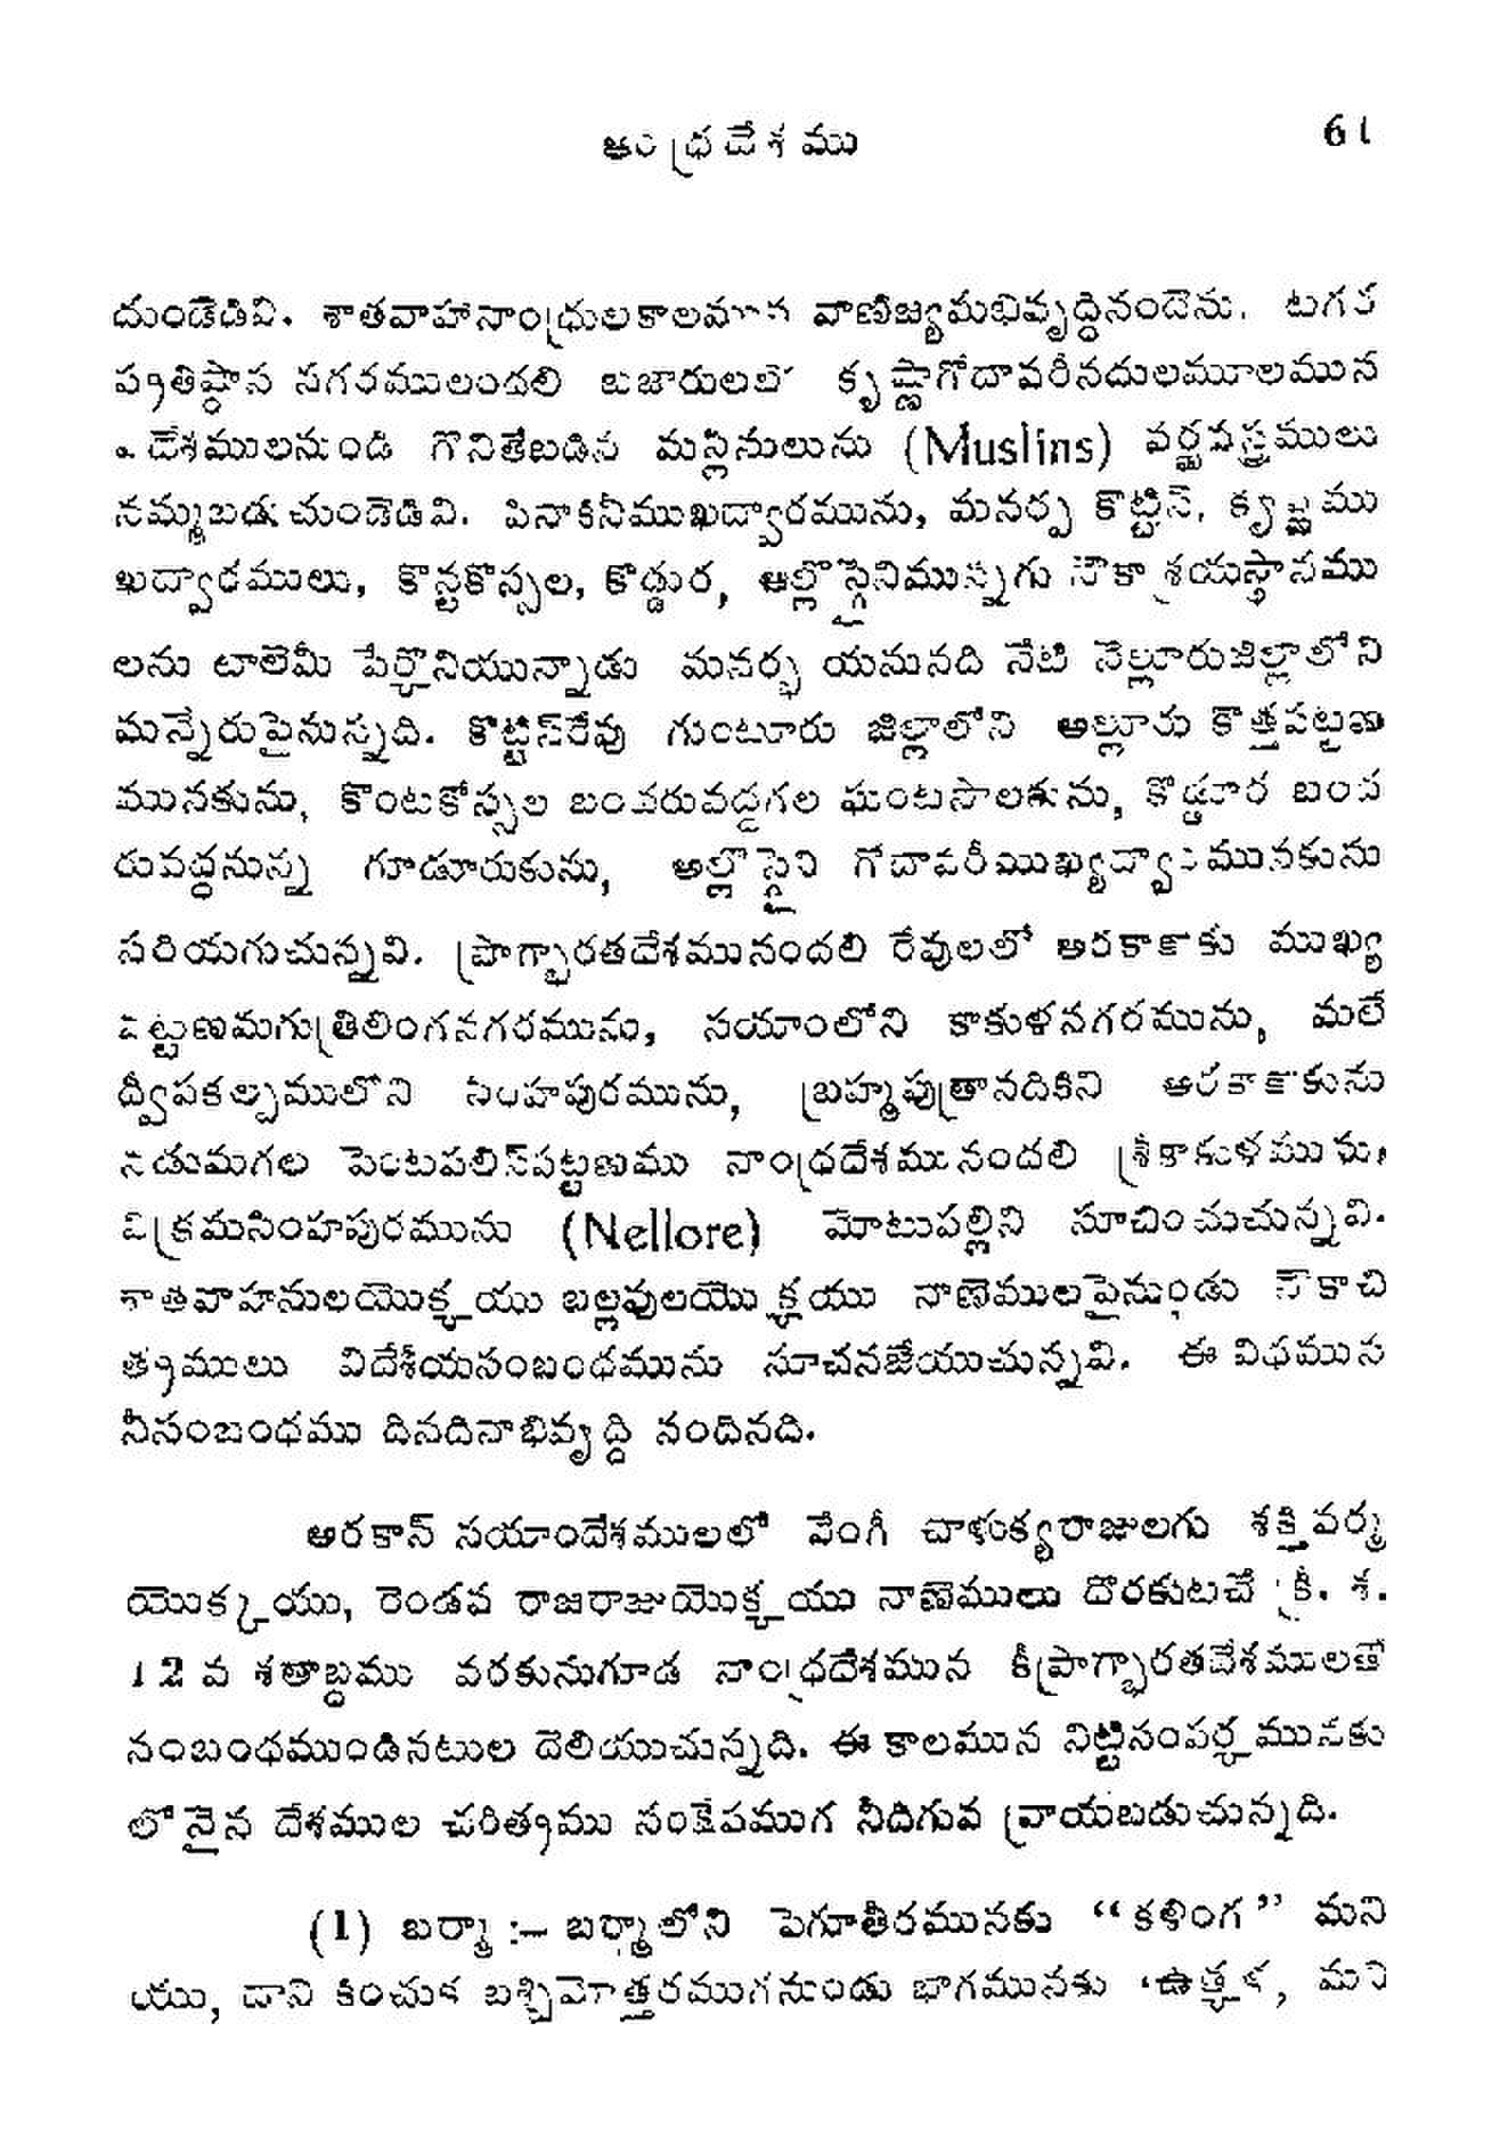దుండెడివి. శాతవాహానాంధ్రులకాలమున వాణిజ్యమభివృద్దినందెను. టగర ప్రతిష్ఠాన నగరములందలి బజారులలో కృష్ణాగోదావరీనదులమూలమున విదేశములనుండి గొనితేబడిన మస్లినులును (Muslins) వర్ణవస్త్రములు నమ్మబడుచుండెడివి. పినాకినీముఖద్వారమును, మనర్ప కొట్టిన్, కృష్ణముఖద్వారములు, కొస్టకొప్పల, కొడ్డుర, అల్గొస్గైనిమున్నగు నౌకాశ్రయస్థానములను టాలెమీ పేర్కొనియున్నాడు. మనర్భ యనునది నేటి నెల్లూరుజిల్లాలోని మన్నేరుపైనున్నది. కొట్టిన్‌రేవు గుంటూరు జిల్లాలోని అల్లూరు కొత్తపట్టణమునకును, కొంటకోస్సల బందరువద్దగల ఘంటసాలకును, కొడ్డూర బందరువద్దనున్న్న గూడూరుకును, అల్లొస్గైని గోదావరీముఖద్వారమునకును సరియగుచున్నవి. ప్రాగ్భారతదేశమునందలి రేవులలో అరకాన్‌కు ముఖ్యపట్టణమగుత్రిలింగనగరమును, నయాంలోని కాకుళనగరమును, మలేద్వీపకల్పములోని సింహపురమును, బ్రహ్మపుత్రానదికిని అరకాన్‌కును నడుమగల పెంటపలిస్‌పట్టణము నాంధ్రదేశమునందలి శ్రీకాకుళమును, విక్రమసింహపురమును (Nellore) మోటుపల్లిని సూచించుచున్నవి. శాతవాహనులయొక్కయు బల్లవులయొక్కయు నాణెములపైనుండు నౌకాచిత్రములు విదేశీయసంబంధమును సూచనజేయుచున్నవి. ఈ విధమున నీసంబంధము దినదినాభివృద్ది నందినది.

అరకాన్ నయాందేశములలో వేంగీ చాళుక్యరాజులగు శక్తివర్మయొక్కయు, రెండవ రాజరాజుయొక్కయు నాణెములు దొరకుటచే క్రీ. శ. 12 వ శతాబ్దము వరకునుగూడ నాంధ్రదేశమున కీప్రాగ్భారతదేశములతో సంబంధముండినటుల దెలియుచున్నది. ఈ కాలమున నిట్టిసంపర్కమునకు లోనైన దేశముల చరిత్రము సంక్షేపముగా నీదిగువ వ్రాయబడుచున్నది. 

(1) బర్మా :- బర్మాలోని పెగూతీరమునకు "కళింగ" మనియు, దాని కించుక బశ్చిమోత్తరముగనుండు భాగమునకు 'ఉత్కళ, మని